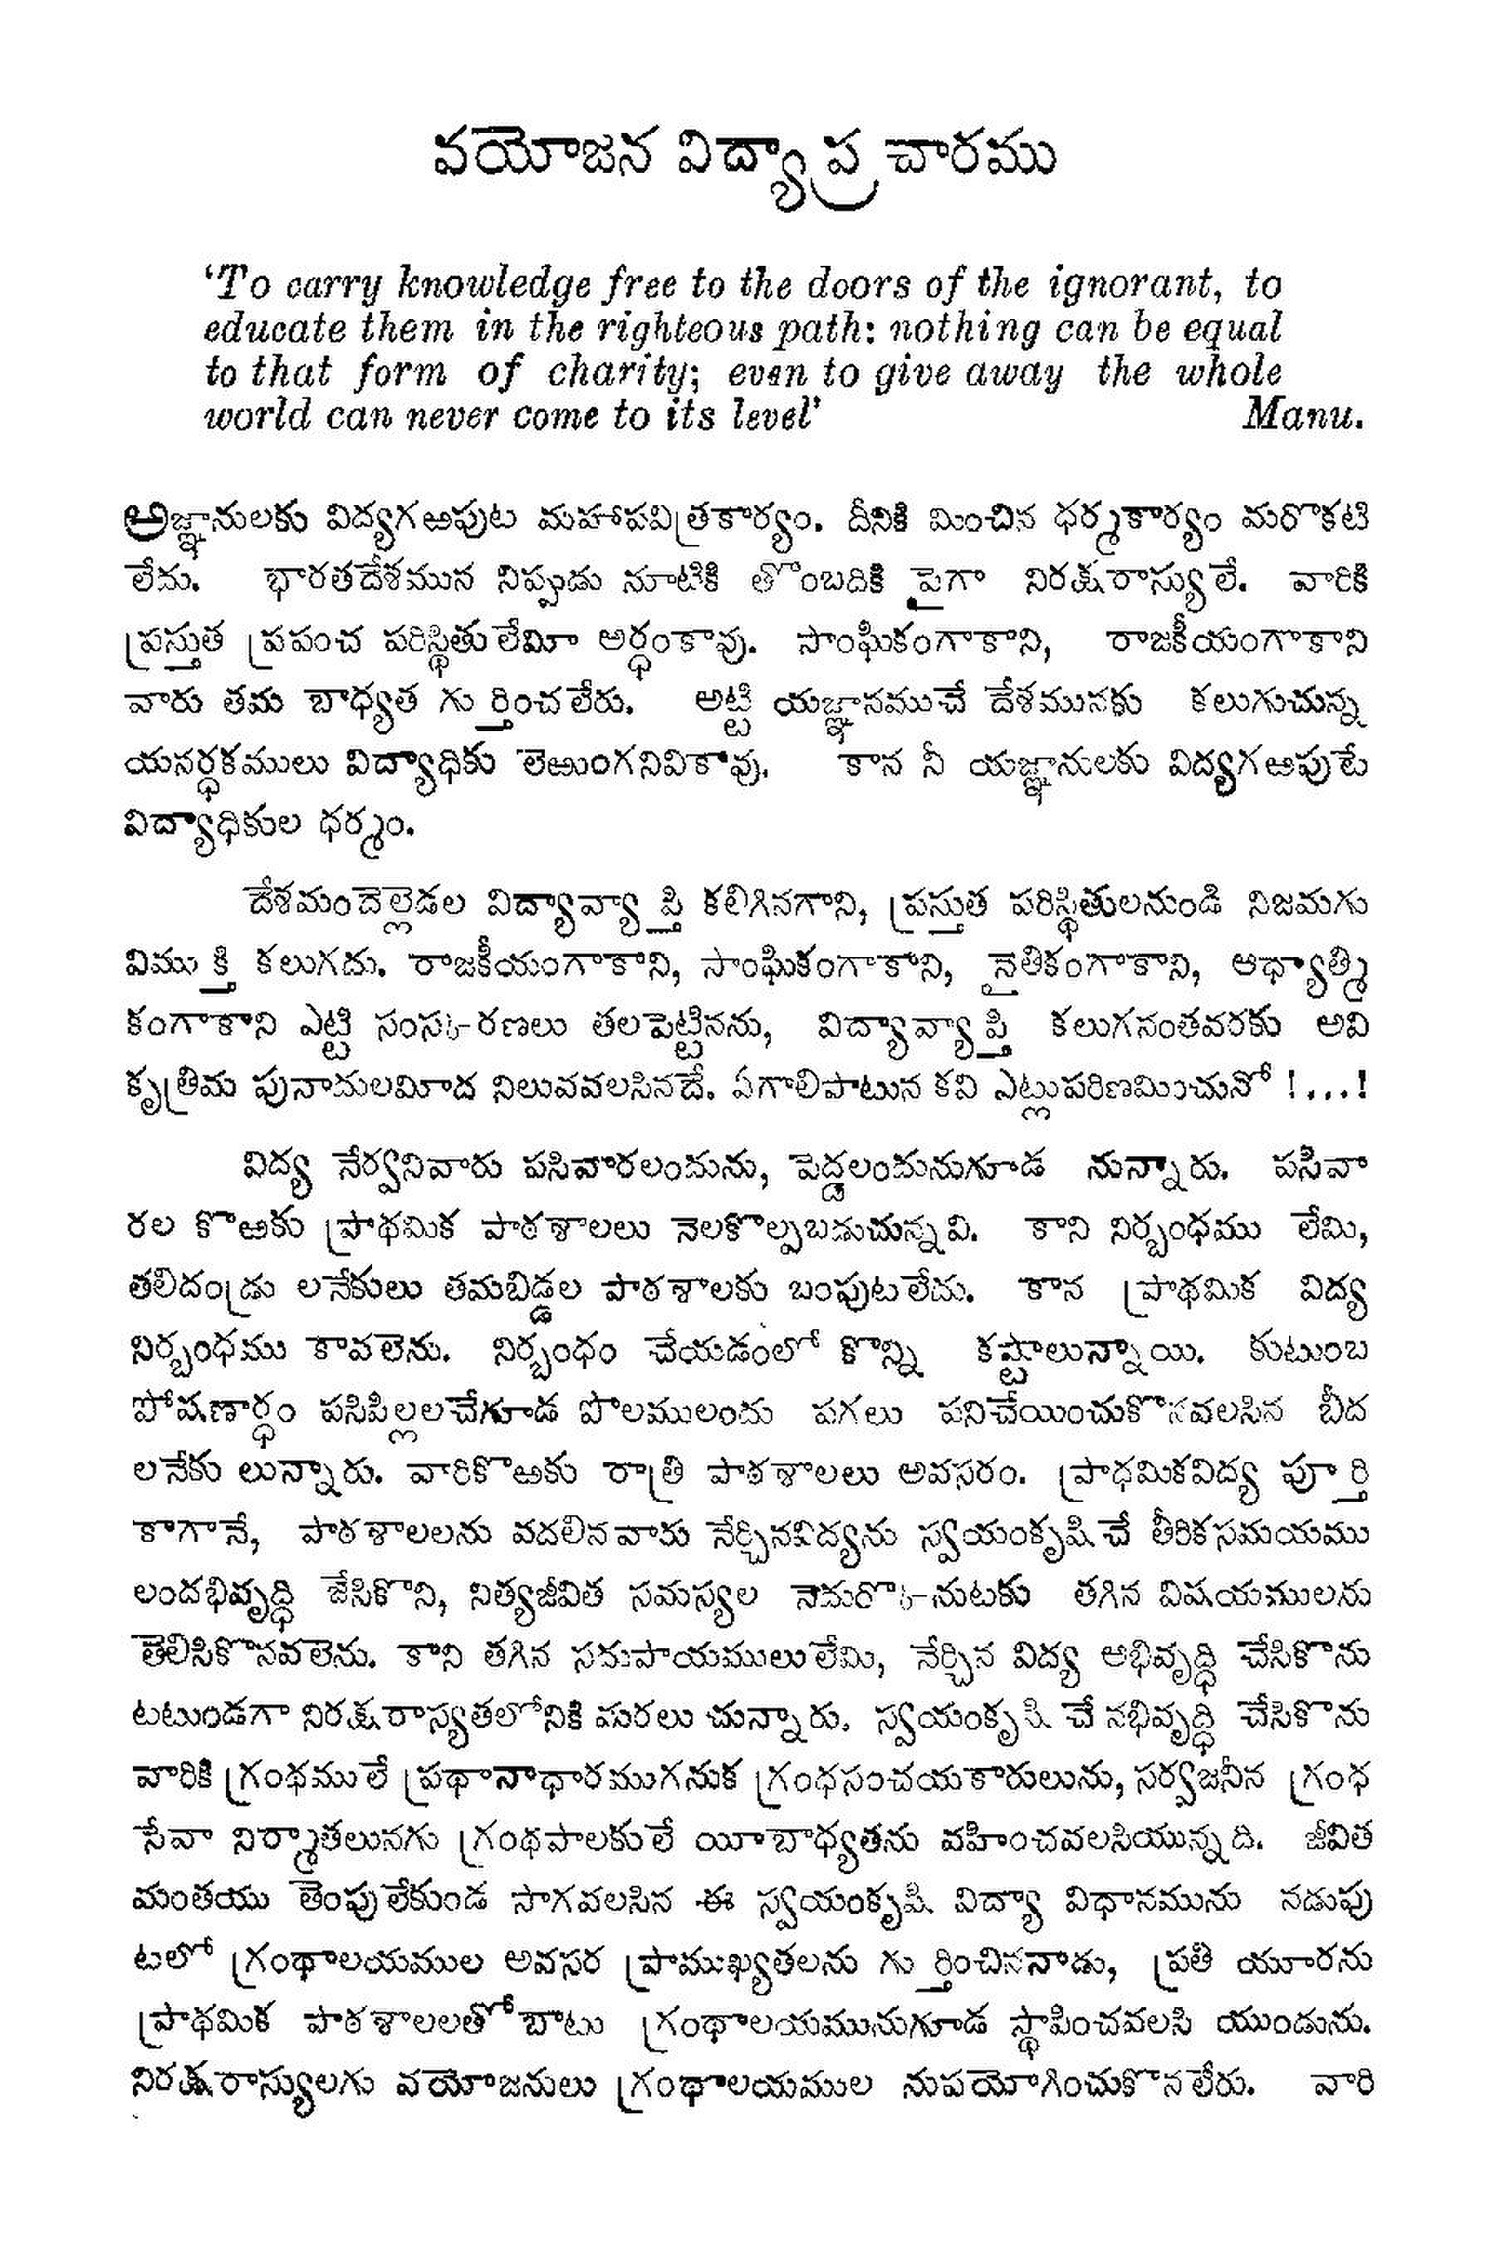"To carry knowledge free to the doors of the ignorant, to educate them in the righteous path: nothing can be equal to that form of charity; even to give away the whole world can never come to its level" 

అజ్ఞానులకు విద్యగఱపుట మహాపవిత్రకార్యం. దీనికి మించిన ధర్మకార్యం మరొకటి లేదు. భారతదేశమున నిప్పుడు నూటికి 
తొంబదికి పైగా నిరక్షరాస్యులే. వారికి ప్రస్తుత ప్రపంచ పరిస్థితులేమీ అర్ధంకావు. సాంఘికంగా కాని, రాజకీయంగాకాని
వారు తమ బాధ్యత గుర్తించలేరు. అట్టి యజ్ఞానముచే దేశమునకు కలుగుచున్న యనర్ధకములు విద్యాధికు లెఱుంగనివి కావు. 
కాన నీ యజ్ఞానులకు విద్యగఱపుటే విద్యాధికుల ధర్మం.

దేశమందెల్లెడల విద్యావ్యాప్తి కలిగినగాని, ప్రస్తుత పరిస్థితులనుండి నిజమగు విముక్తి కలుగదు, రాజకీయంగాకాని, సాంఘికంగాకాని, నైతికంగా కాని, ఆధ్యాత్మికంగాకాని, ఎట్టి సంస్కరణలు తలపెట్టినను, విద్యావ్యాప్తి కలుగనంతవరకు అవి కృత్రిమ పునాదులమీద నిలువవలసినదే. ఏ గాలిపాటున కవి ఎట్లుపరిణమించునో ! ...!

విద్య నేర్వనివారు పసివారలందును, పెద్దలందునుగూడనున్నారు. పసివారల కొఱకు ప్రాథమిక పాఠశాలలు నెలకొల్పబడుచున్నవి. 
కాని నిర్బంధము లేమి, తల్లిదండ్రులనేకులు తమబిడ్డల పాఠశాలకు బంపుట లేదు. కాన ప్రాథమిక విద్య నిర్బంధము కావలెను. నిర్బంధం చేయడంలో కొన్ని కష్టాలున్నాయి. కుటుంబ పోషణార్ధం పసిపిల్లలచేగూడ పొలములందు పగలు పనిచేయించుకొనవలసిన
బీదలనేకు లున్నారు. వారికొఱకు రాత్రి పాఠశాలలు అవసరం. ప్రాధమిక విద్య పూర్తికాగానే, పాఠశాలలను వదలిన వారు 
నేర్చినవిద్యను స్వయంకృషిచే తీరిక సమయము లందభివృద్ధి జేసికొని, నిత్యజీవిత సమస్యల నెదుర్కొనుటకు తగిన విషయములను
తెలిసికొనవలెను. కాని తగిన సదుపాయములు లేమి, నేర్చిన విద్య అభివృద్ధి చేసికొనుటటుండగా నిరక్షరాస్యతలోనికి 
మరలు చున్నారు. స్వయంకృషిచే నఅభివృద్ధి చేసికొనువారికీ గ్రంథములే ప్రధానాధారముగనుక గ్రంధసంచయకారులును, 
సర్వజనీన గ్రంధసేవా నిర్మాతలునగు గ్రంథపాలకులే యీ బాధ్యతను వహించవలసియున్నది. జీవితమంతయు తెంపులేకుండ 
సాగవలసిన ఈ స్వయంకృషి విద్యావిధానమును నడుపుటలో గ్రంథాలయముల అవసర ప్రాముఖ్యతలను గుర్తించిననాడు, 
ప్రతి యూరను ప్రాథమిక పాఠశాలలతోబాటు గ్రంథాలయమునుగూడ స్థాపించవలసి యుండును. నిరక్షరాస్యులగు వయోజనులు గ్రంథాలయముల నుపయోగించుకొనలేరు. వారి